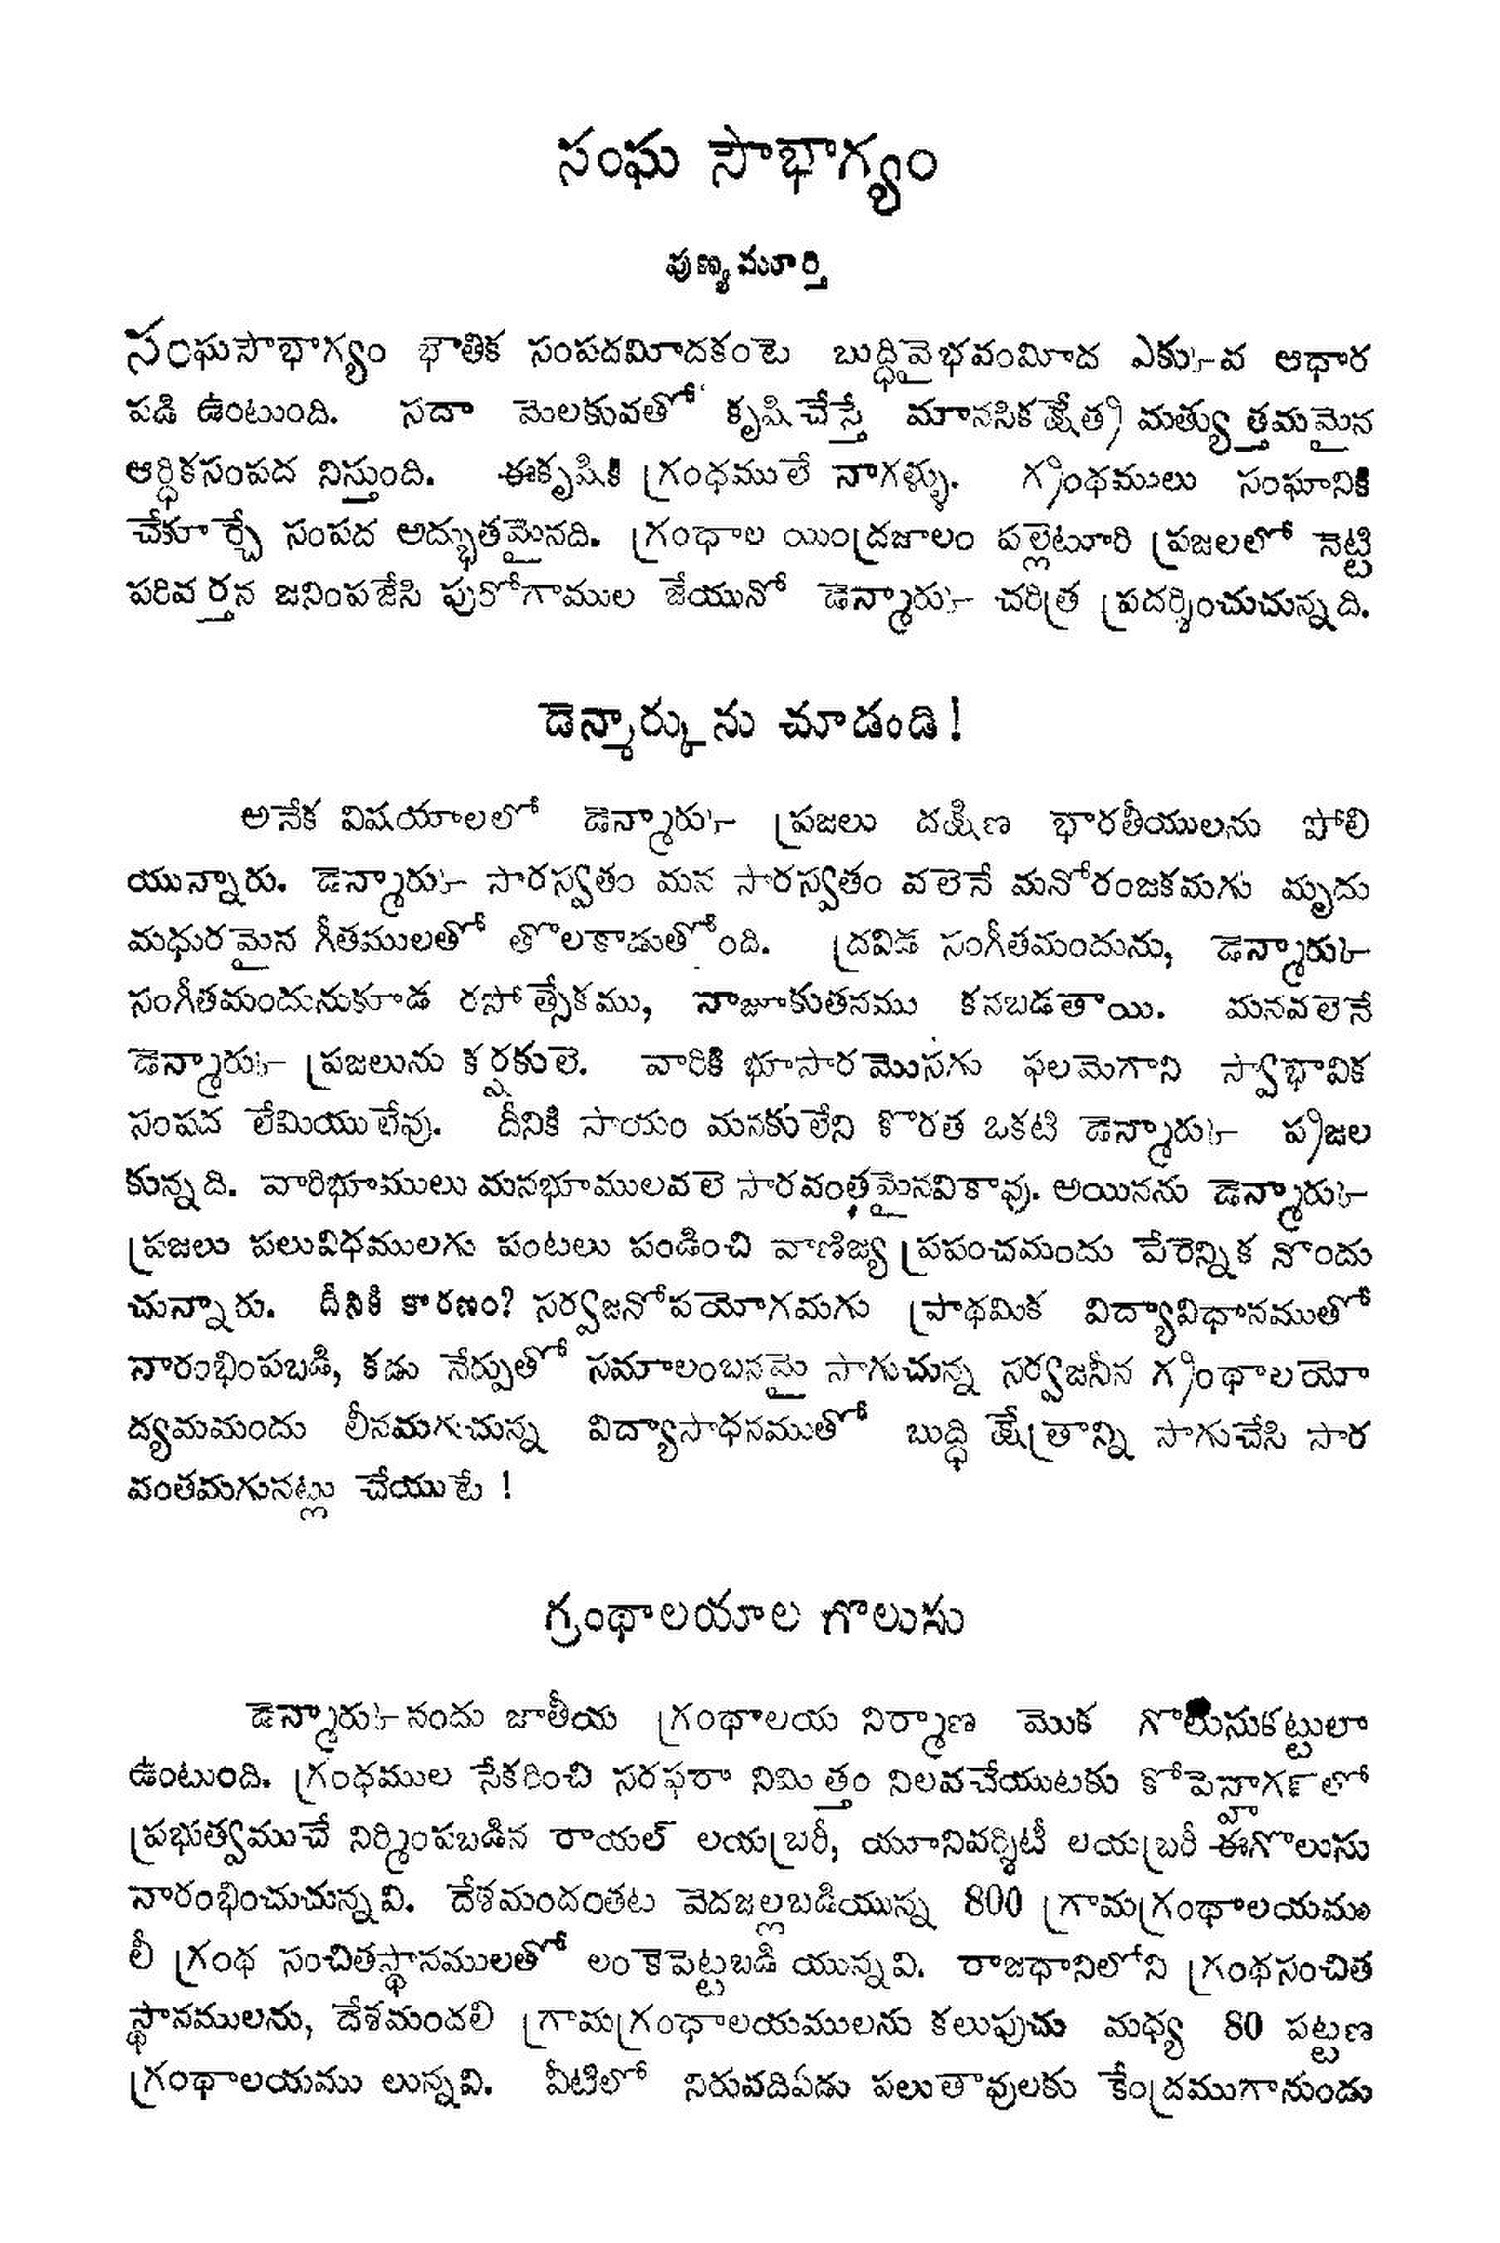సంఘసౌభాగ్యం భౌతిక సంపదమీదకంటే బుద్ధివైభవంమీద ఎక్కువ ఆధారపడి ఉంటుంది.
సదా మెలకువతో కృషి చేస్తే మానసిక క్షేత్రమత్యుత్తమమైన ఆర్థికసంపద నిస్తుంది. ఈకృషికి గ్రంధములే నాగళ్ళు. గ్రంథములు సంఘానికి చేకూర్చే సంపద అద్భుతమైనది. గ్రంధాల యింద్రజాలం పల్లెటూరి ప్రజలలో నెట్టి పరివర్తన జనింపజేసి పురోగాముల జేయునోడెన్మార్కు చరిత్ర ప్రదర్శించుచున్నది.

అనేక విషయాలలో డెన్మార్కు ప్రజలు దక్షిణ భారతీయులను పోలి యున్నారు. డెన్మార్కు సారస్వతం మన సారస్వతం వలెనే మనోరంజకమగు మృదు మధురమైన గీతములతో తొలకాడుతోంది. ద్రవిడ సంగీతమందును, డెన్మార్కు సంగీతమందును కూడ రసోత్సేకము, నాజూకుతనము కనబడతాయి. డెన్మార్కు ప్రజలును కర్షకులె. వారికి భూసార మొసగు ఫలమెగాని స్వాభావిక సంపద లేమియు లేవు. దీనికి సాయం మనకులేని కొరత ఒకటి డెన్మార్కు ప్రజల కున్నది. వారిభూములు మన భూములవలె సారవంతమైనవి కావు. అయినను డెన్మార్కు ప్రజలు పలువిధములగు పంటలు పండించి వాణిజ్య ప్రపంచమందు పేరెన్నిక నొందుచున్నారు. దీనికి కారణం? సర్వజనోపయోగమగు ప్రాథమిక విద్యా విధానముతో నారంభింపబడి, కడు నేర్పుతో సమాలంబనమై సాగుచున్న సర్వజనీన గ్రంథాలయోద్యమమందు లీనమగుచున్న విద్యాసాధనముతో బుద్ధి క్షేత్రాన్ని సాగు చేసి సార
వంతమగునట్లు చేయుటే!

డెన్మార్కు నందు జాతీయ గ్రంథాలయ నిర్మాణ మొక గొలుసుకట్టులా ఉంటుంది. గ్రంధముల సేకరించి సరఫరా నిమిత్తం నిలవచేయుటకు కోపెన్హాగ౯లో ప్రభుత్వముచే నిర్మింపబడిన రాయల్ లయబ్రరీ, యూనివర్శిటీ లయబ్రరీ ఈగొలుసు నారంభించుచున్నవి. దేశమందంతట వెదజల్లబడియున్న 800 గ్రామగ్రంథాలయములీ గ్రంథసంచిత స్థానములతో లంకెపెట్టబడి యున్నవి. రాజధానిలోని గ్రంథసంచిత స్థానములను, దేశమందలి గ్రామగ్రంథాలయములను కలుపుచు మధ్య 80 పట్టణ గ్రంథాలయములున్నవి. వీటిలో నిరువది ఏడు పలుతావులకు కేంద్రముగానుండు